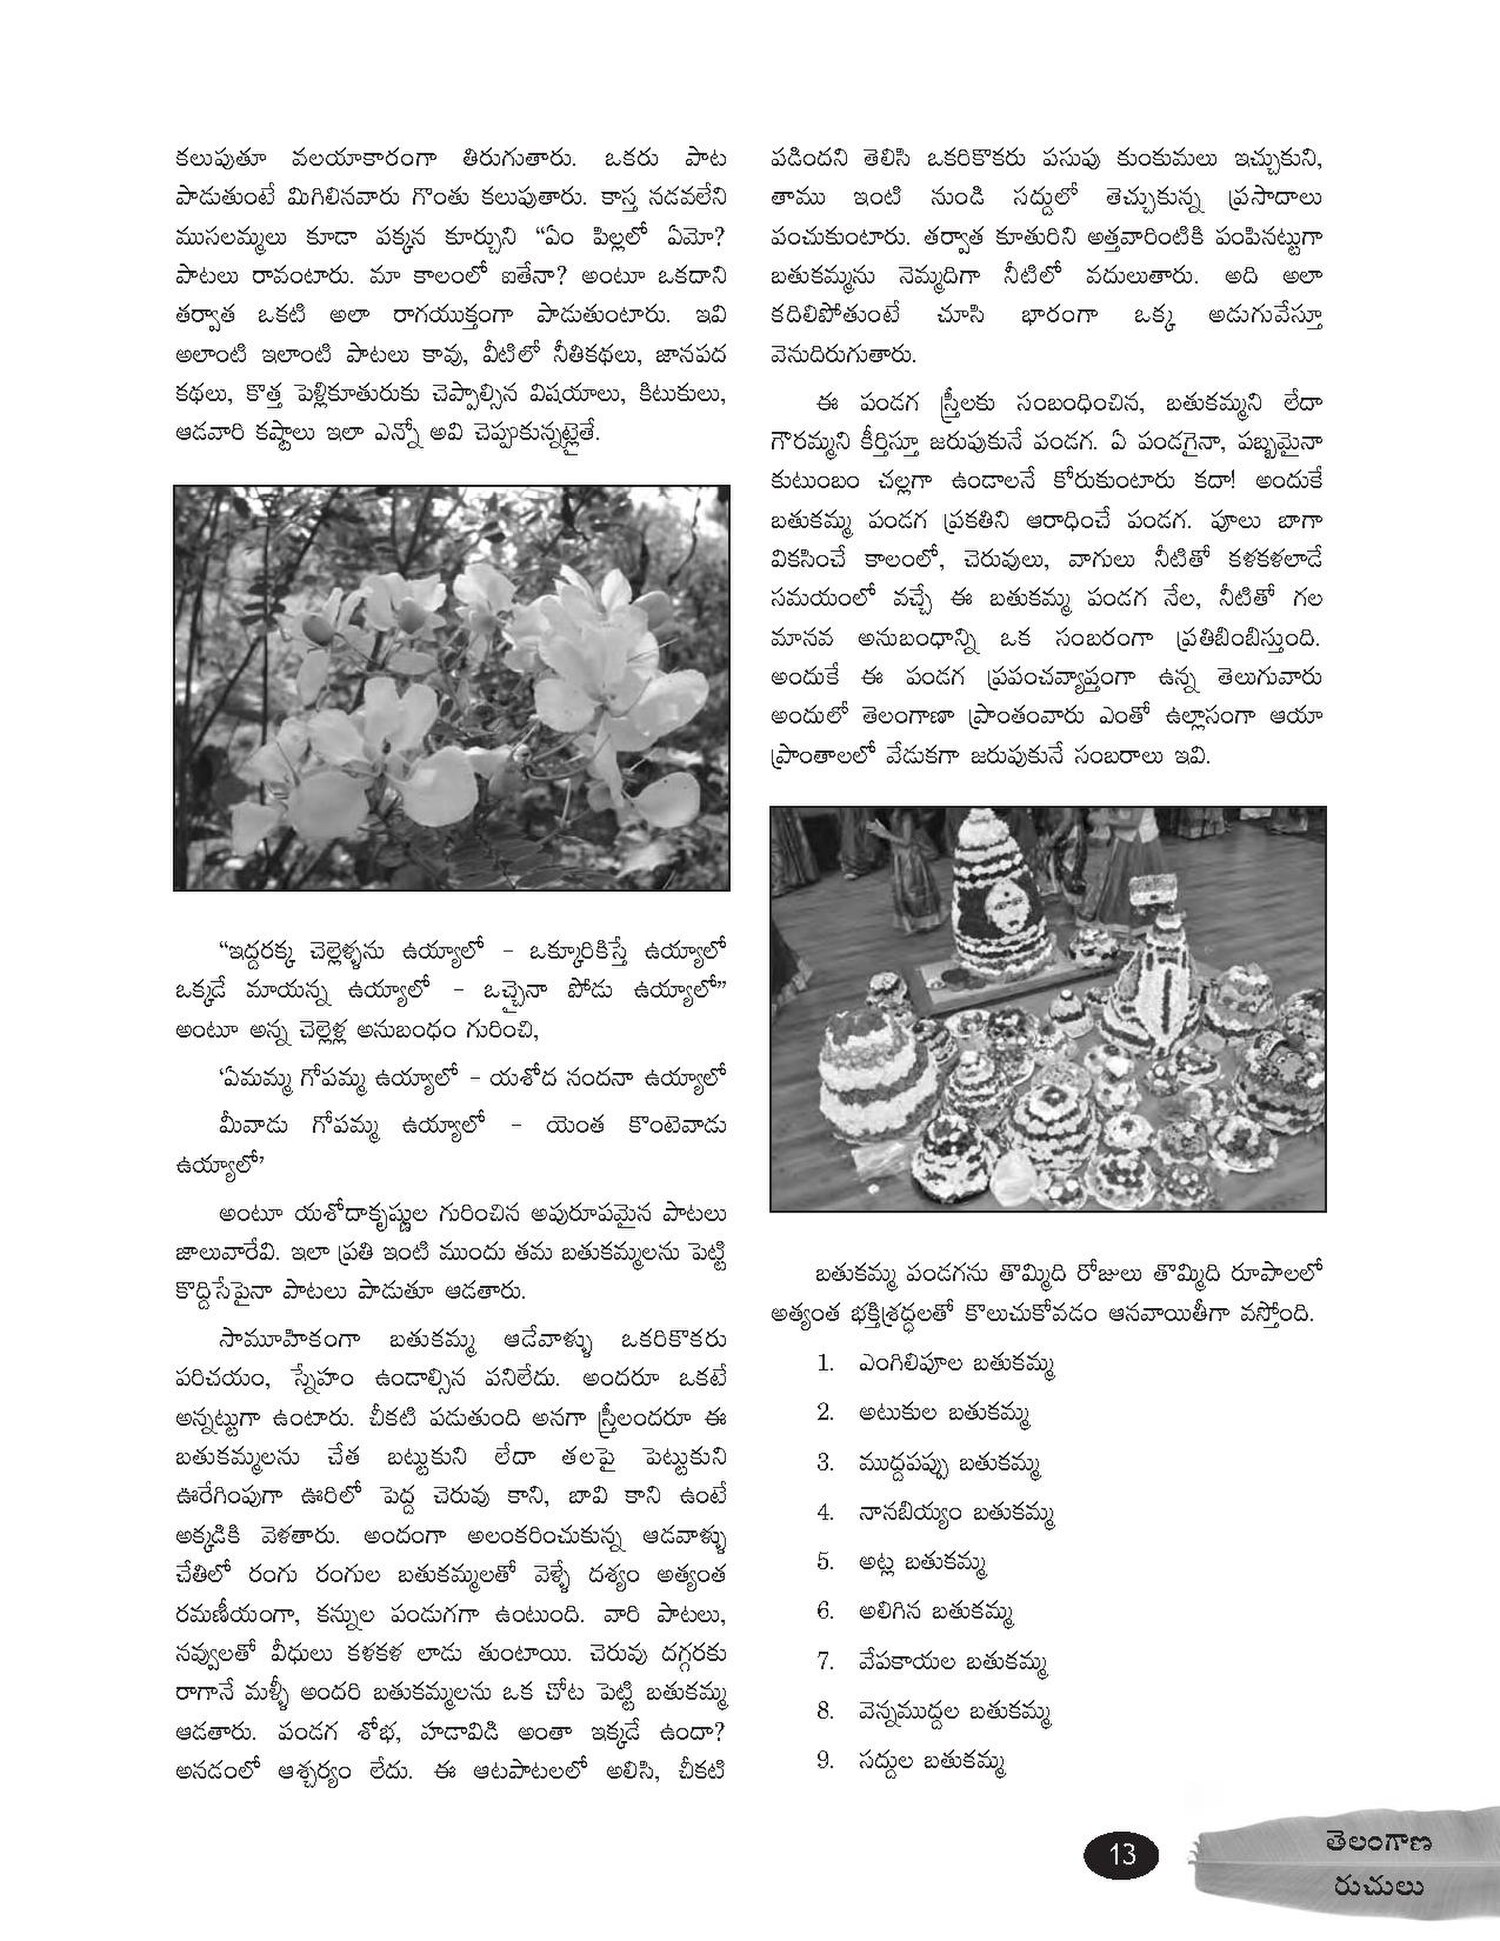కలుపుతూ వలయాకారంగా తిరుగుతారు. ఒకరు పాట పాడుతుంటే మిగిలినవారు గొంతు కలుపుతారు. కాస్త నడవలేని
ముసలమ్మలు కూడా పక్కన కూర్చుని “ఏం పిల్లలో ఏమో? పాటలు రావంటారు. మా కాలంలో ఐతేనా? అంటూ ఒకదాని
తర్వాత ఒకటి అలా రాగయుక్తంగా పాడుతుంటారు. ఇవి అలాంటి ఇలాంటి పాటలు కావు, వీటిలో నీతికథలు, జానపద
కథలు, కొత్త పెళ్లికూతురుకు చెప్పాల్సిన విషయాలు, కిటుకులు, ఆడవారి కష్టాలు ఇలా ఎన్నో అవి చెప్పుకున్నట్లైతే.

"ఇద్దరక్క చెల్లెళ్ళను ఉయ్యాలో - ఒక్కూరికిస్తే ఉయ్యాలో ఒక్కడే మాయన్న ఉయ్యాలో ఒచ్చెనా పోడు ఉయ్యాలో””
అంటూ అన్న చెల్లెళ్ల అనుబంధం గురించి, 

'ఏమమ్మ గోపమ్మ ఉయ్యాలో - యశోద నందనా ఉయ్యాలో మీవాడు గోపమ్మ ఉయ్యాలో యెంత కొంటెవాడు ఉయ్యాలో'

అంటూ యశోదాకృష్ణుల గురించిన అపురూపమైన పాటలు జాలువారేవి. ఇలా ప్రతి ఇంటి ముందు తమ బతుకమ్మలను పెట్టి కొద్దిసేపైనా పాటలు పాడుతూ ఆడతారు.

సామూహికంగా బతుకమ్మ ఆడేవాళ్ళు ఒకరికొకరు పరిచయం, స్నేహం ఉండాల్సిన పనిలేదు. అందరూ ఒకటే అన్నట్టుగా ఉంటారు. చీకటి పడుతుంది అనగా స్త్రీలందరూ ఈ బతుకమ్మలను చేత బట్టుకుని లేదా తలపై పెట్టుకుని ఊరేగింపుగా ఊరిలో పెద్ద చెరువు కాని, బావి కాని ఉంటే అక్కడికి వెళతారు. అందంగా అలంకరించుకున్న ఆడవాళ్ళు చేతిలో రంగు రంగుల బతుకమ్మలతో వెళ్ళే దశ్యం అత్యంత రమణీయంగా, కన్నుల పండుగగా ఉంటుంది. వారి పాటలు, నవ్వులతో వీధులు కళకళ లాడు తుంటాయి. చెరువు దగ్గరకు రాగానే మళ్ళీ అందరి బతుకమ్మలను ఒక చోట పెట్టి బతుకమ్మ ఆడతారు. పండగ శోభ, హడావిడి అంతా ఇక్కడే ఉందా? అనడంలో ఆశ్చర్యం లేదు. ఈ ఆటపాటలలో అలిసి, చీకటి పడిందని తెలిసి ఒకరికొకరు పసుపు కుంకుమలు ఇచ్చుకుని, తాము ఇంటి నుండి సద్దులో తెచ్చుకున్న ప్రసాదాలు పంచుకుంటారు. తర్వాత కూతురిని అత్తవారింటికి పంపినట్టుగా బతుకమ్మను నెమ్మదిగా నీటిలో వదులుతారు. అది అలా కదిలిపోతుంటే చూసి భారంగా ఒక్క అడుగువేస్తూ వెనుదిరుగుతారు.

ఈ పండగ స్త్రీలకు సంబంధించిన, బతుకమ్మని లేదా గౌరమ్మని కీర్తిస్తూ జరుపుకునే పండగ. ఏ పండగైనా, పబ్బమైనా
కుటుంబం చల్లగా ఉండాలనే కోరుకుంటారు కదా! అందుకే బతుకమ్మ పండగ ప్రకతిని ఆరాధించే పండగ. పూలు బాగా
వికసించే కాలంలో, చెరువులు, వాగులు నీటితో కళకళలాడే సమయంలో వచ్చే ఈ బతుకమ్మ పండగ నేల, నీటితో గల
మానవ అనుబంధాన్ని ఒక సంబరంగా ప్రతిబింబిస్తుంది. అందుకే ఈ పండగ ప్రపంచవ్యాప్తంగా ఉన్న తెలుగువారు
అందులో తెలంగాణా ప్రాంతంవారు ఎంతో ఉల్లాసంగా ఆయా ప్రాంతాలలో వేడుకగా జరుపుకునే సంబరాలు ఇవి.

బతుకమ్మ పండగను తొమ్మిది రోజులు తొమ్మిది రూపాలలో అత్యంత భక్తిశ్రద్ధలతో కొలుచుకోవడం ఆనవాయితీగా వస్తోంది.

1. ఎంగిలిపూల బతుకమ్మ,
2. అటుకుల బతుకమ్మ
3. ముద్దపప్పు బతుకమ్మ
4. నానబియ్యం బతుకమ్మ
5. అట్ల బతుకమ్మ
6. అలిగిన బతుకమ్మ,
7. వేపకాయల బతుకమ్మ
8. వెన్నముద్దల బతుకమ్మ
9. సద్దుల బతుకమ్మ